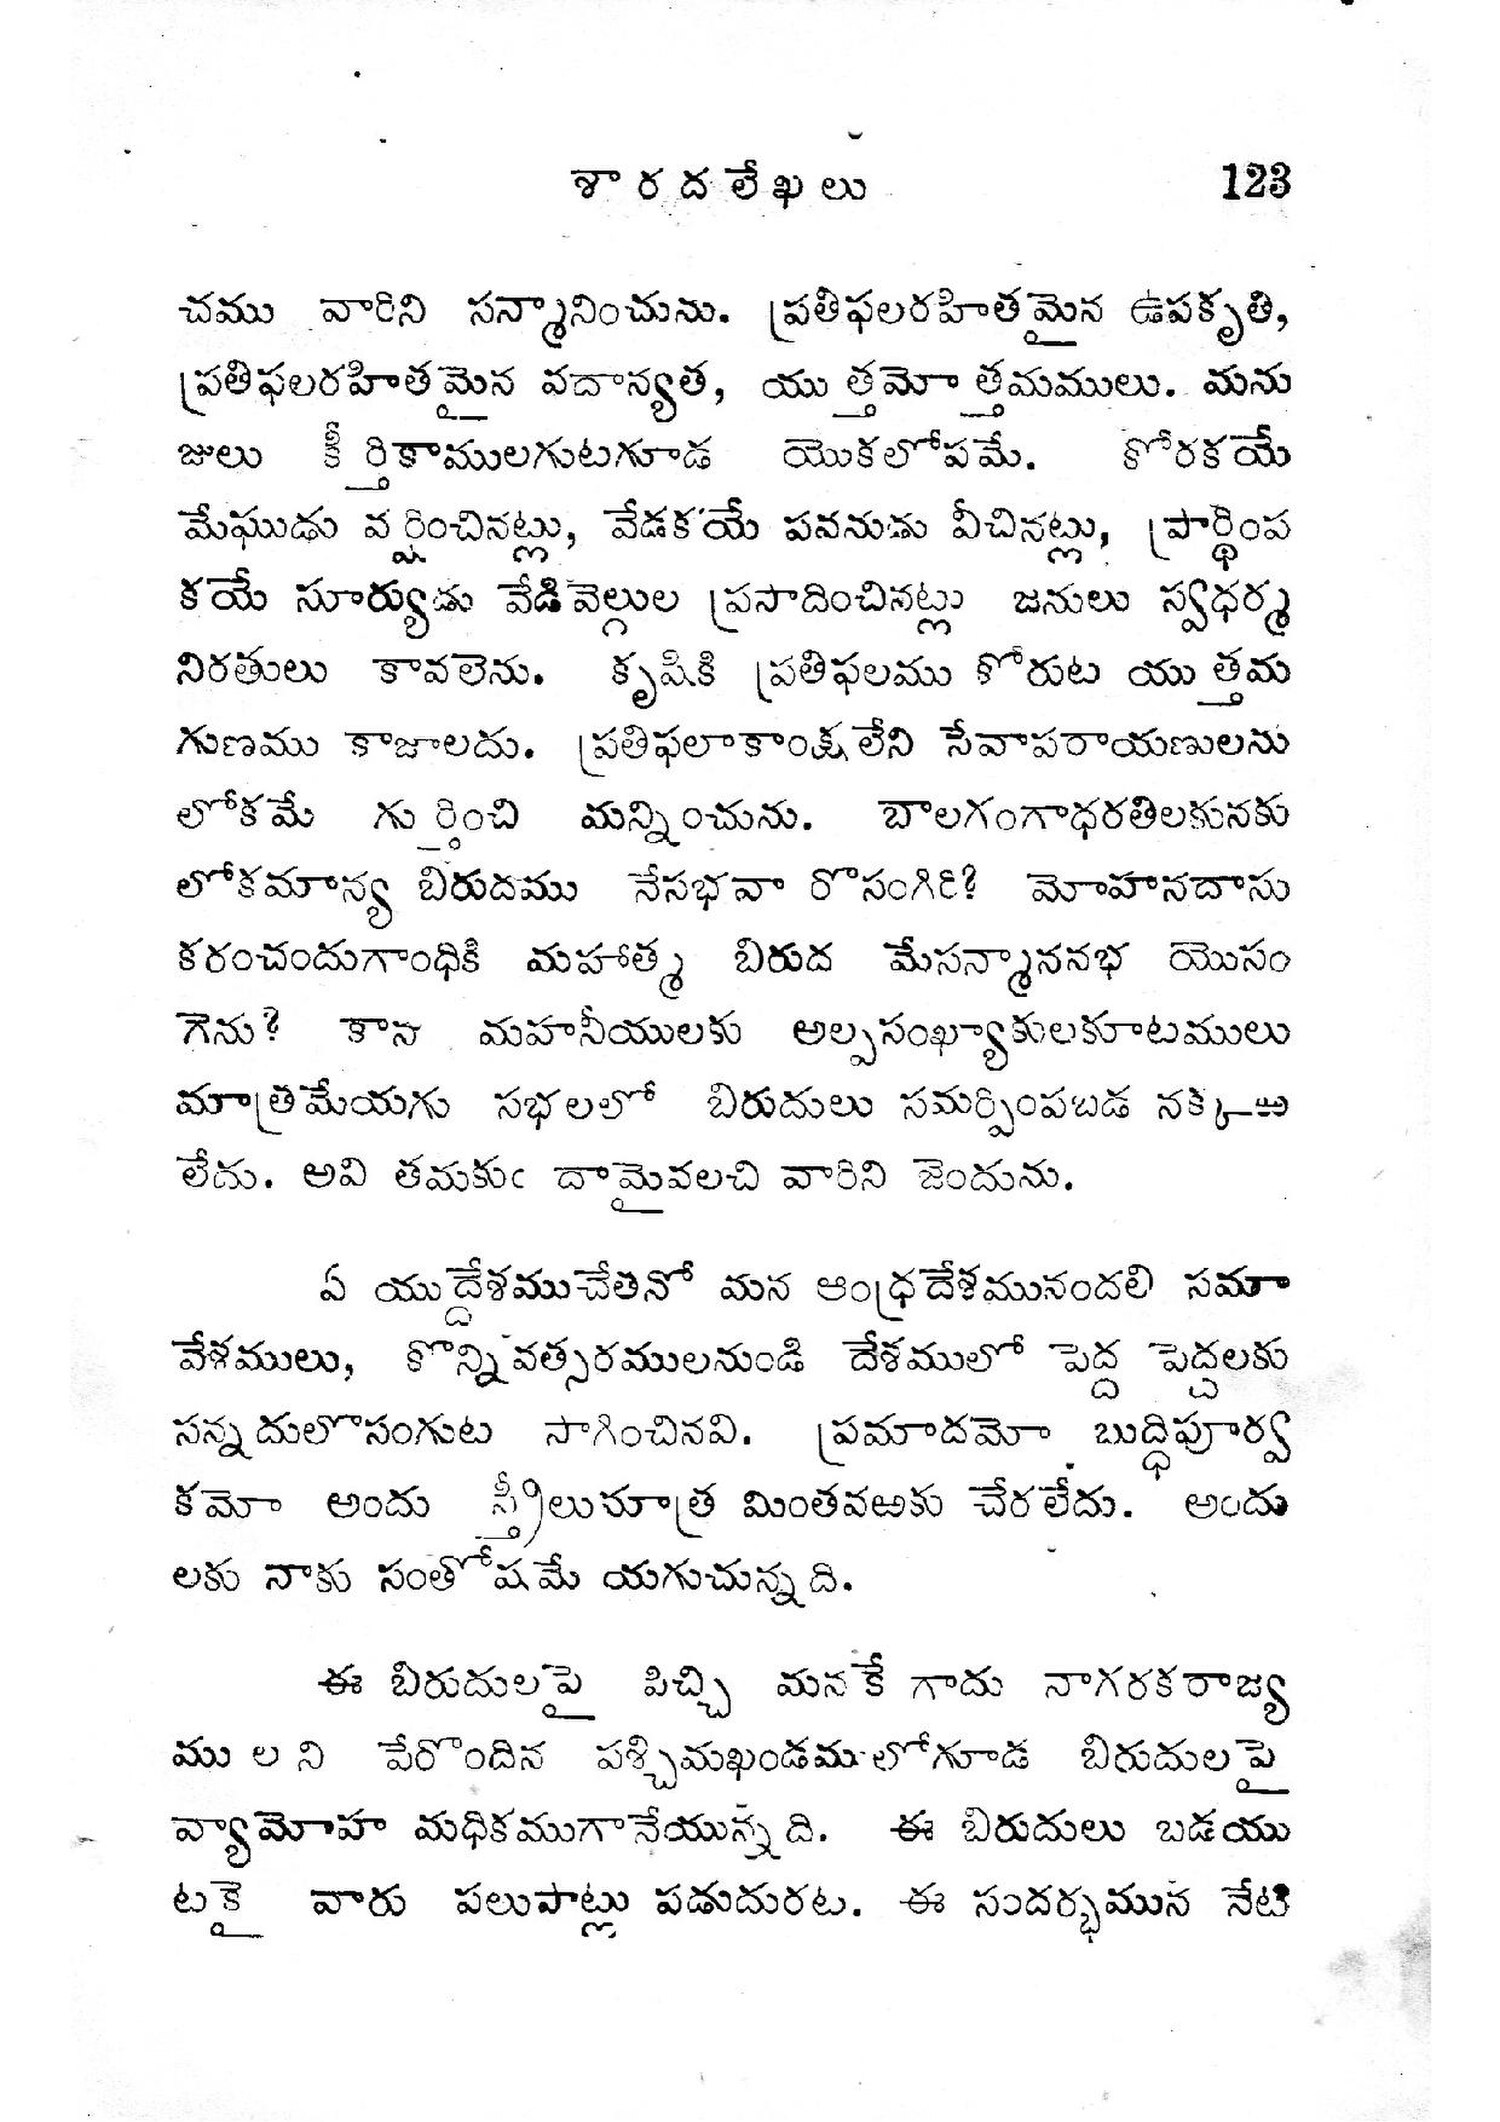చము వారిని సన్మానించును. ప్రతిఫలరహితమైన ఉపకృతి, ప్రతిఫలరహితమైన వదాన్యత, యుత్తమోత్తమములు. మనుజులు కీర్తికాములగుటగూడ యొకలోపమే. కోరకయే మేఘుడు వర్షించినట్లు, వేడకయే పవనుడు వీచినట్లు, ప్రార్థింపకయే సూర్యుడు వేడివెల్గుల ప్రసాదించినట్లు జనులు స్వధర్మ
నిరతులు కావలెను. కృషికి ప్రతిఫలము కోరుట యుత్తమగుణము కాజాలదు. ప్రతిఫలాకాంక్షలేని సేవాపరాయణులను లోకమే గుర్తించి మన్నించును. బాలగంగాధరతిలకునకు లోకమాన్య బిరుదము నేసభవా రొసంగిరి? మోహనదాసు కరంచందుగాంధికి మహాత్మ బిరుద మేసన్మానసభ యొసంగెను? కాన 
మహనీయులకు అల్పసంఖ్యాకులకూటములు మాత్రమేయగు సభలలో బిరుదులు సమర్పింపబడ నక్కఱలేదు. అవి తమకుఁ దామైవలచి వారిని జెందును.

ఏ యుద్దేశముచేతనో మన ఆంధ్రదేశమునందలి సమావేశములు, కొన్నివత్సరములనుండి దేశములో పెద్ద పెద్దలకు సన్నదులొసంగుట సాగించినవి. ప్రమాదమో బుద్ధిపూర్వకమో అందు స్త్రీలుమాత్ర మింతవఱకు చేరలేదు. అందులకు నాకు సంతోషమే యగుచున్నది.

ఈ బిరుదులపై పిచ్చి మనకే గాదు నాగరకరాజ్యము లని పేరొందిన పశ్చిమఖండములోగూడ బిరుదులపై
వ్యామోహ మధికముగానేయున్నది. ఈ బిరుదులు బడయుటకై వారు పలుపాట్లు పడుదురట. ఈ సందర్భమున నేటి